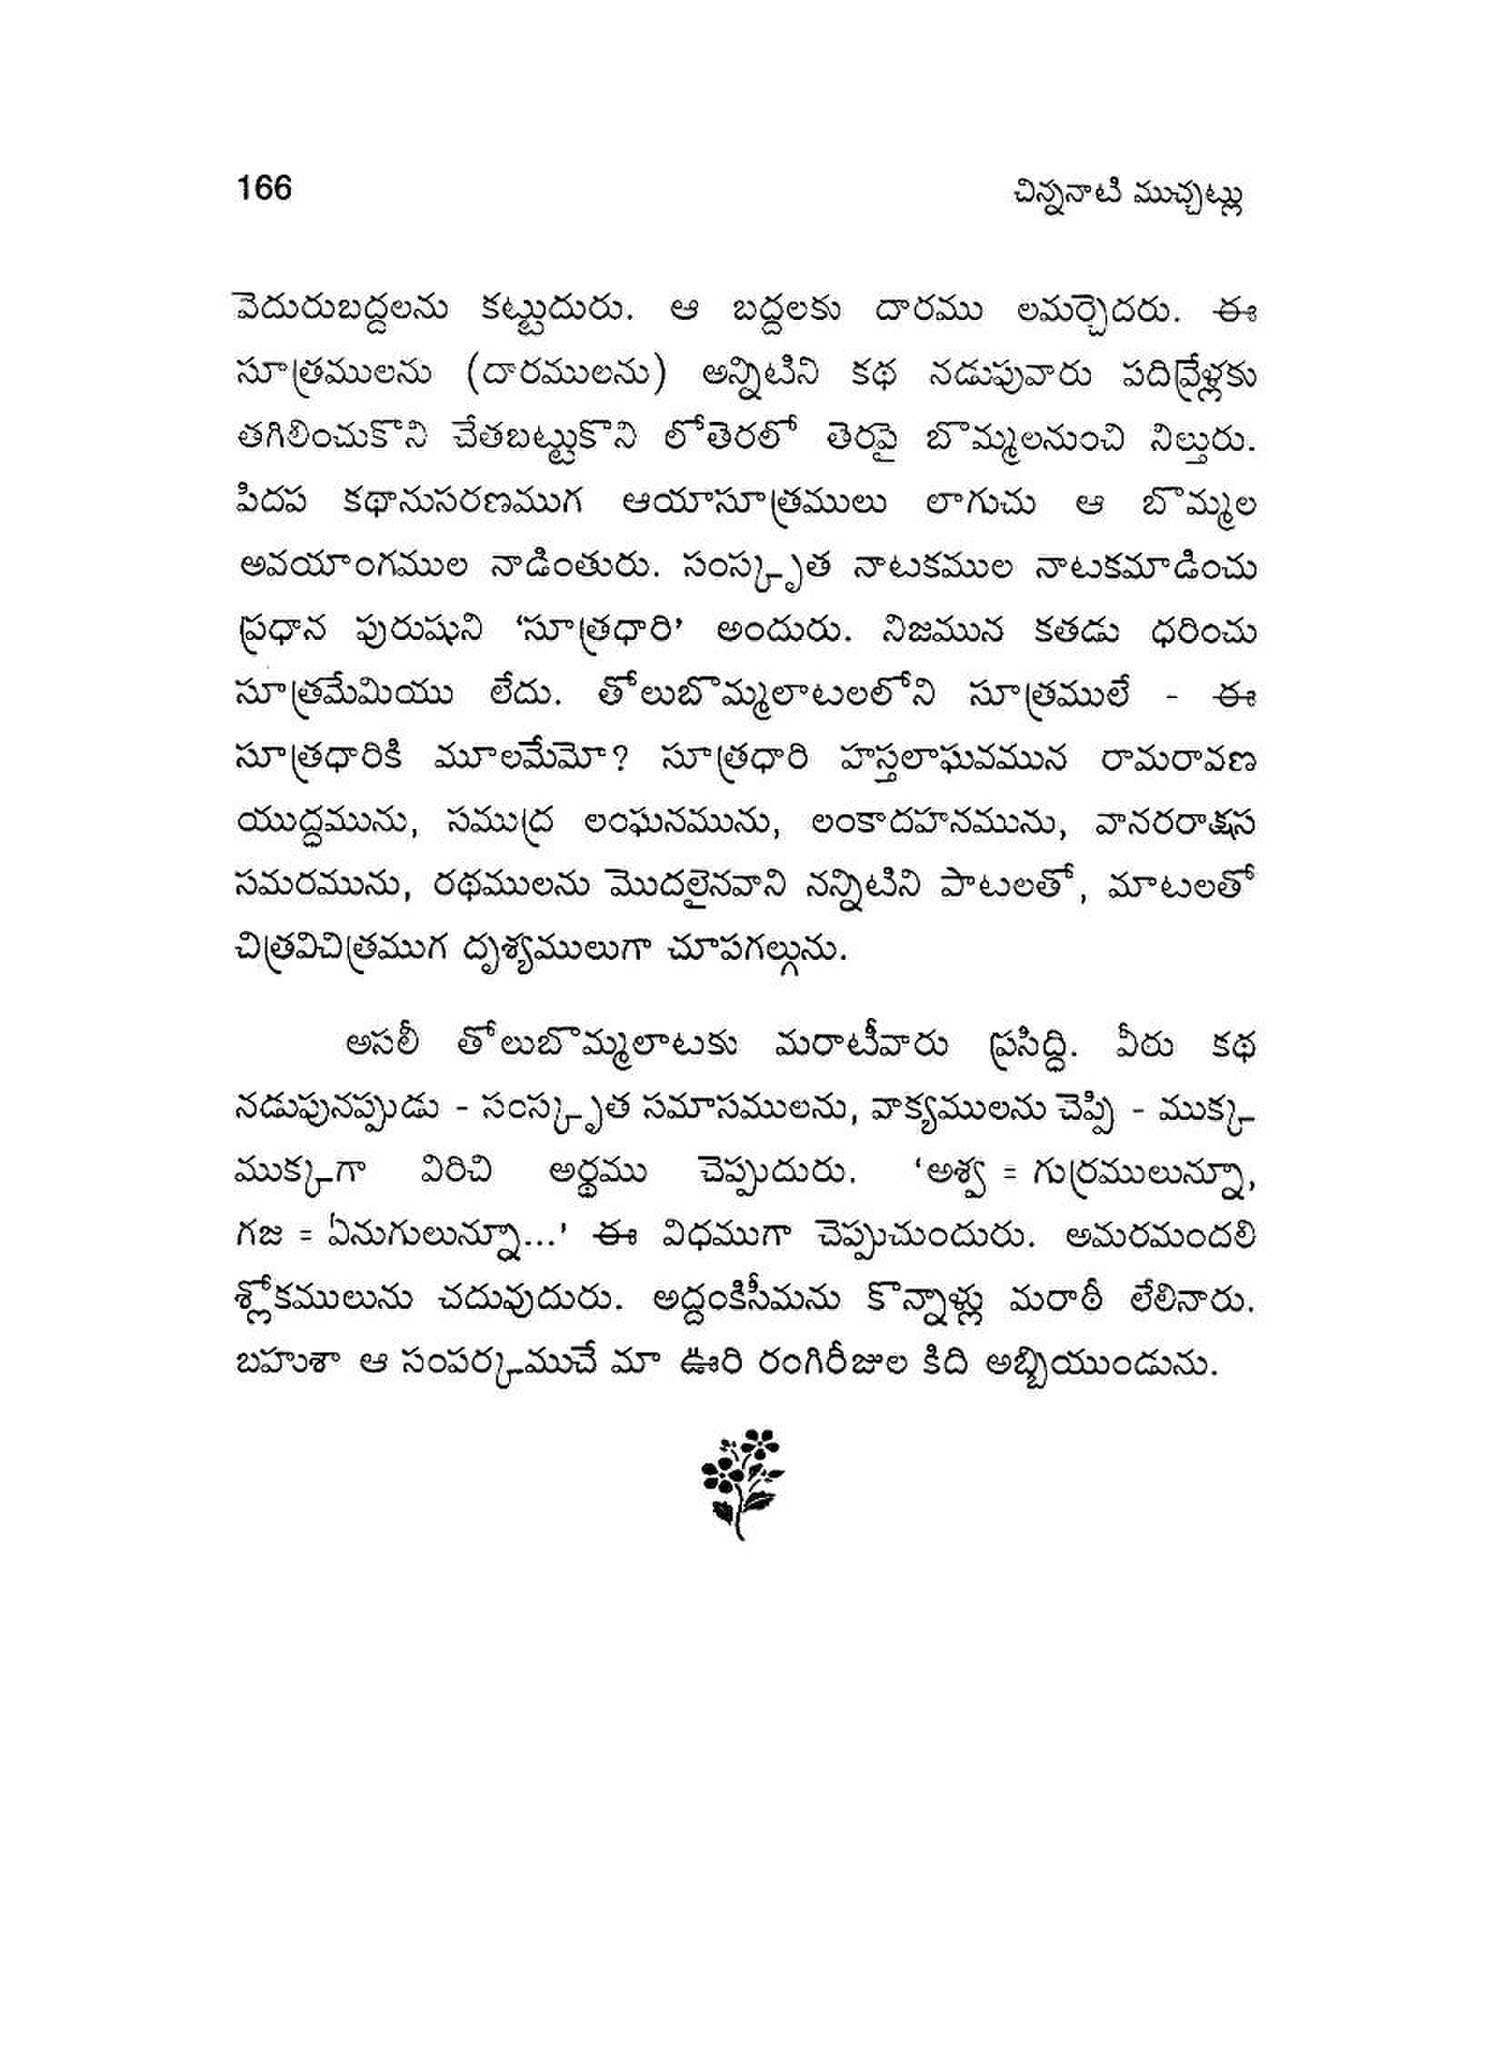వెదురుబద్దలను కట్టుదురు. ఆ బద్దలకు దారములమర్చెదరు. ఈ సూత్రములను (దారములను) అన్నిటిని కథ నడుపువారు పదివ్రేళ్లకు తగిలించుకొని చేతబట్టుకొని లోతెరలో తెరపై బొమ్మలనుంచి నిల్తురు. పిదప కథానుసరణముగ ఆయాసూత్రములు లాగుచు ఆ బొమ్మల అవయాంగముల నాడింతురు. సంస్కృత నాటకముల నాటకమాడించు ప్రధాన పురుషుని 'సూత్రధారి' అందురు. నిజమున కతడు ధరించు సూత్రమేమియు లేదు. తోలుబొమ్మలాటలలోని సూత్రములే - ఈ సూత్రధారికి మూలమేమో? సూత్రధారి హస్తలాఘవమున రామరావణ యుద్దమును, సముద్ర లంఘనమును, లంకాదహనమును, వానరరాక్షస సమరమును, రథములను మొదలైనవాని నన్నిటిని పాటలతో, మాటలతో చిత్రవిచిత్రముగ దృశ్యములుగా చూపగల్గును.

అసలీ తోలుబొమ్మలాటకు మరాటీవారు ప్రసిద్ది. వీరు కథ నడుపునప్పడు - సంస్కృత సమాసములను, వాక్యములను చెప్పి – ముక్కముక్కగా విరిచి అర్థము చెప్పదురు. 'అశ్వ = గుర్రములున్నూ, గజ = ఏనుగులున్నూ......' ఈ విధముగా చెప్పుచుందురు. అమరమందలి శ్లోకములును చదువుదురు. అద్దంకిసీమను కొన్నాళ్లు మరాఠీ లేలినారు. బహుశా ఆ సంపర్కముచే మా ఊరి రంగిరీజుల కిది అబ్బియుండును.